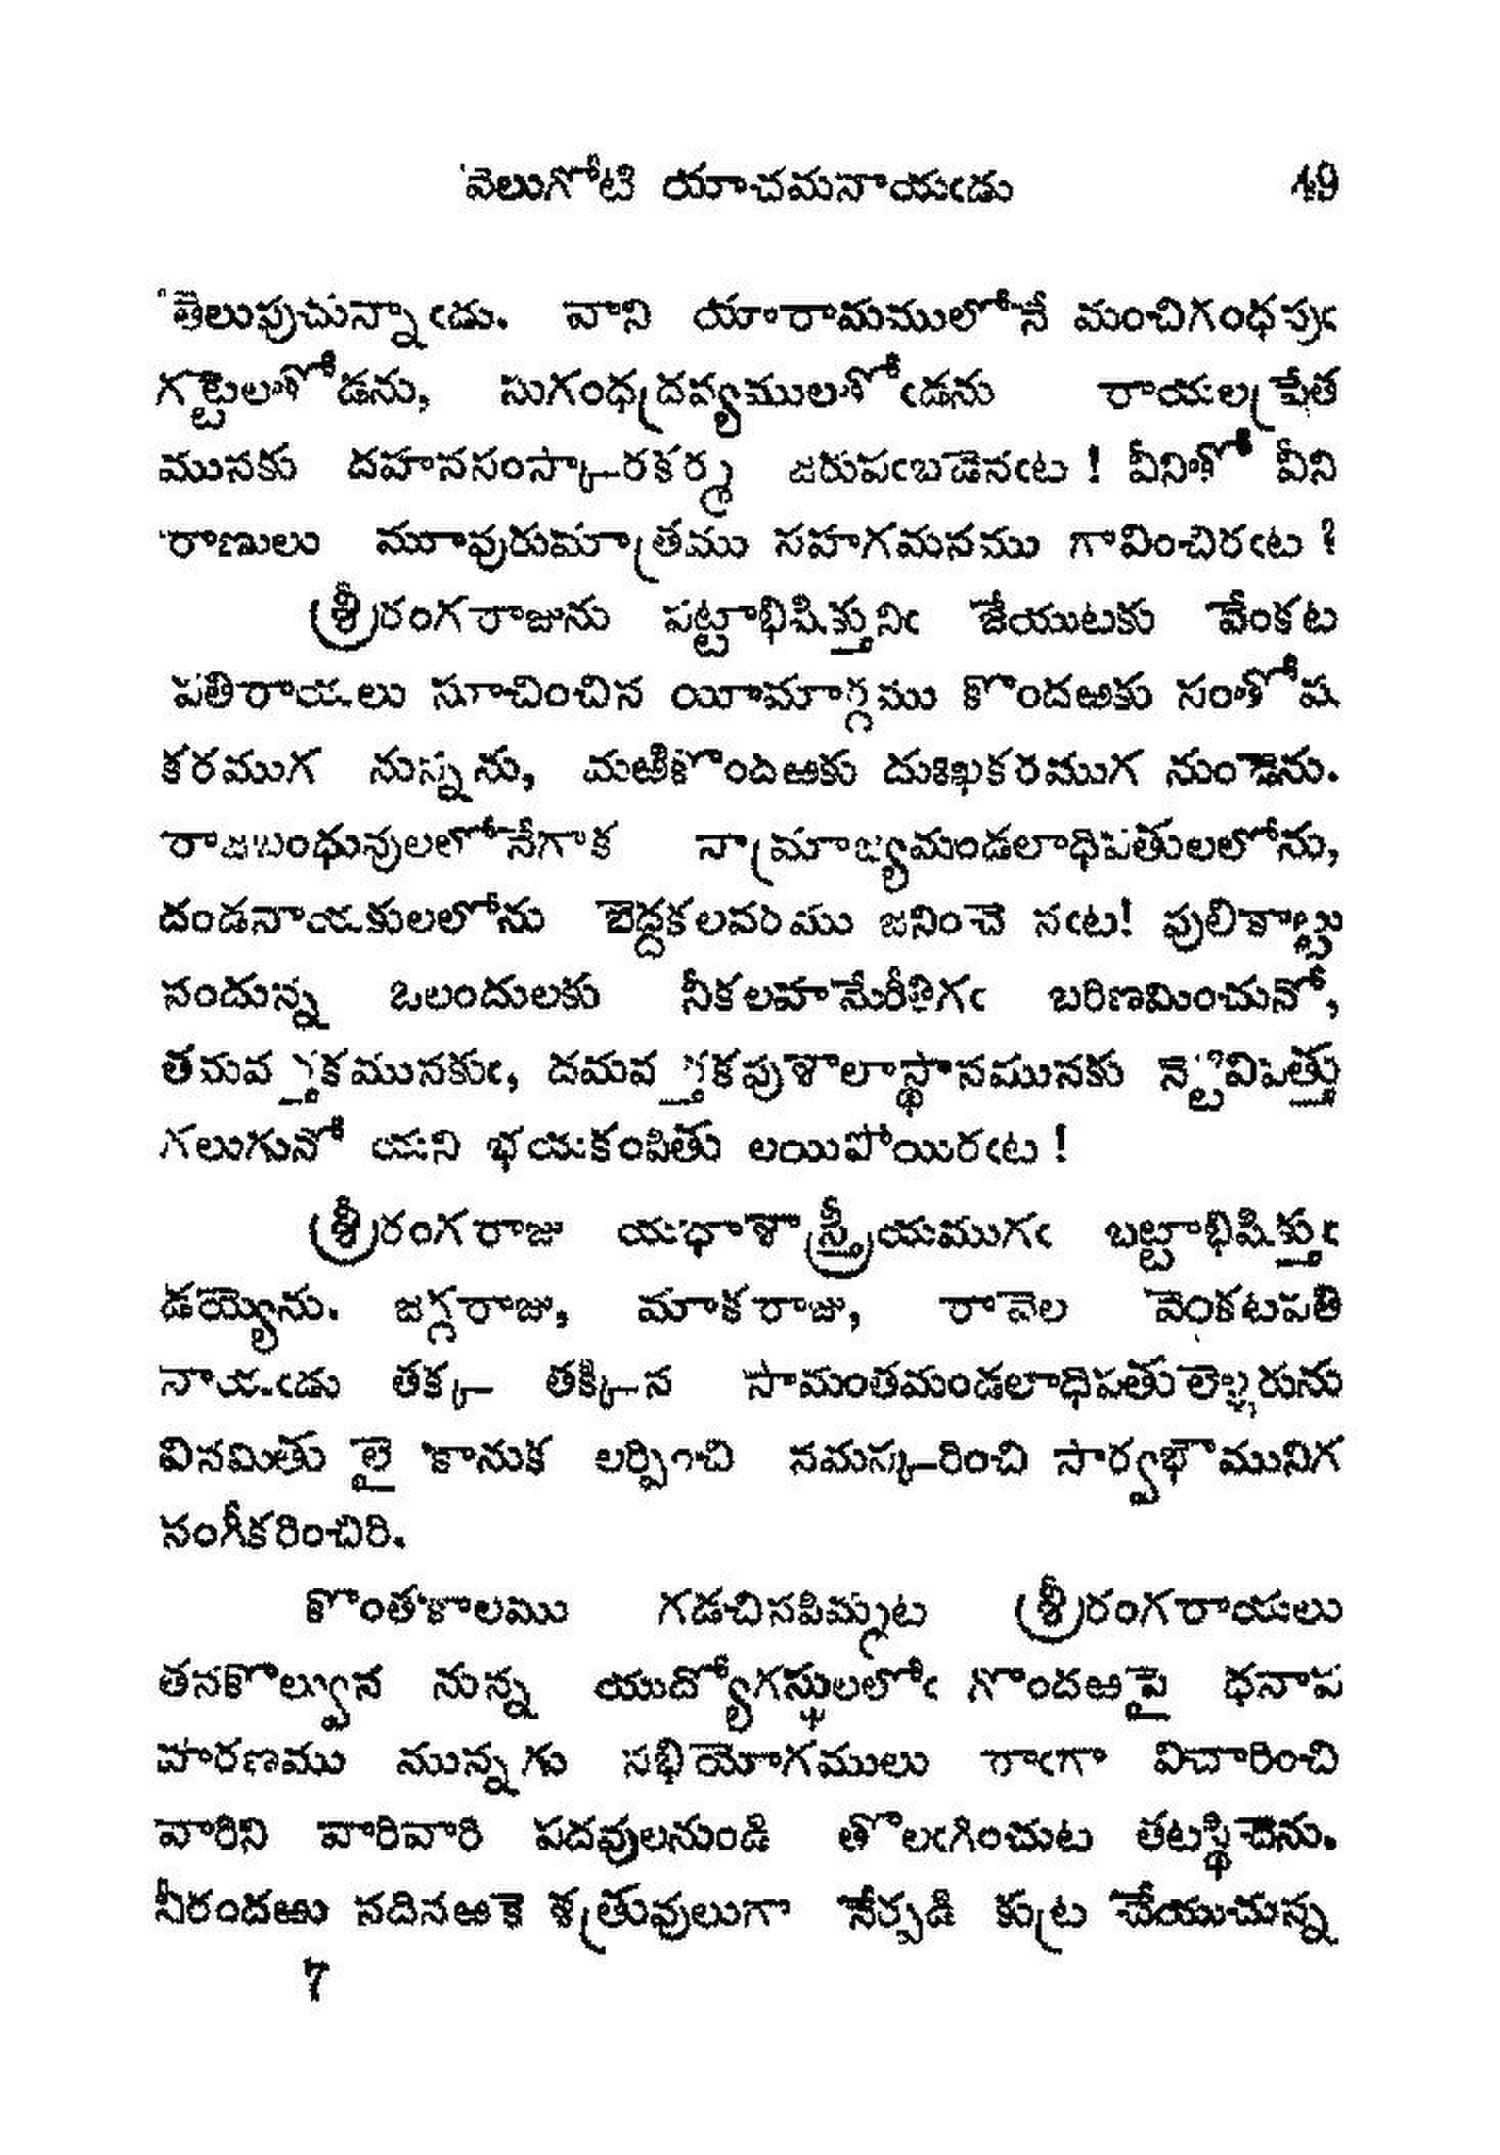తెలుపుచున్నాఁడు. వాని యారామములోనే మంచిగంధపుఁ గట్టెలతోడను, సుగంధద్రవ్యములతోఁడను రాయలప్రేతమునకు దహనసంస్కారకర్మ జరుపఁబడెనఁట! వీనితో వీని రాణులు మూవురుమాత్రము సహగమనము గావించిరఁట?

శ్రీరంగరాజును పట్టాభిషిక్తునిఁ జేయుటకు వేంకటపతిరాయలు సూచించిన యీమార్గము కొందఱకు సంతోషకరముగ నున్నను, మఱికొందఱకు దుఃఖకరముగ నుండెను. రాజబంధువులలోనేగాక సామ్రాజ్యమండలాధిపతులలోను, దండనాయకులలోను బెద్దకలవరము జనించె నఁట! పులికాట్టు నందున్న ఒలందులకు నీకలహమేరీతిగఁ బరిణమించునో, తమవర్తకమునకుఁ, దమవర్తకపుశాలాస్థానమునకు నెట్టివిపత్తు గలుగునో యని భయకంపితు లయిపోయిరఁట !

శ్రీరంగరాజు యధాశాస్త్రీయముగఁ బట్టాభిషిక్తుఁ డయ్యెను. జగ్గరాజు, మాకరాజు, రావెల వెంకటపతినాయఁడు తక్క తక్కిన సామంతమండలాధిపతులెల్లరును విననితు లై కానుక లర్పించి నమస్కరించి సార్వభౌమునిగ నంగీకరించిరి.

కొంతకాలము గడచినపిమ్మట శ్రీరంగరాయలు తనకొల్వున నున్న యుద్యోగస్థులలోఁ గొందఱపై ధనాపహరణము మున్నగు నభియోగములు రాఁగా విచారించి వారిని వారివారి పదవులనుండి తొలఁగించుట తటస్థించెను. వీరందఱు నదివఱకె శత్రువులుగా నేర్పడి కుట్ర చేయుచున్న